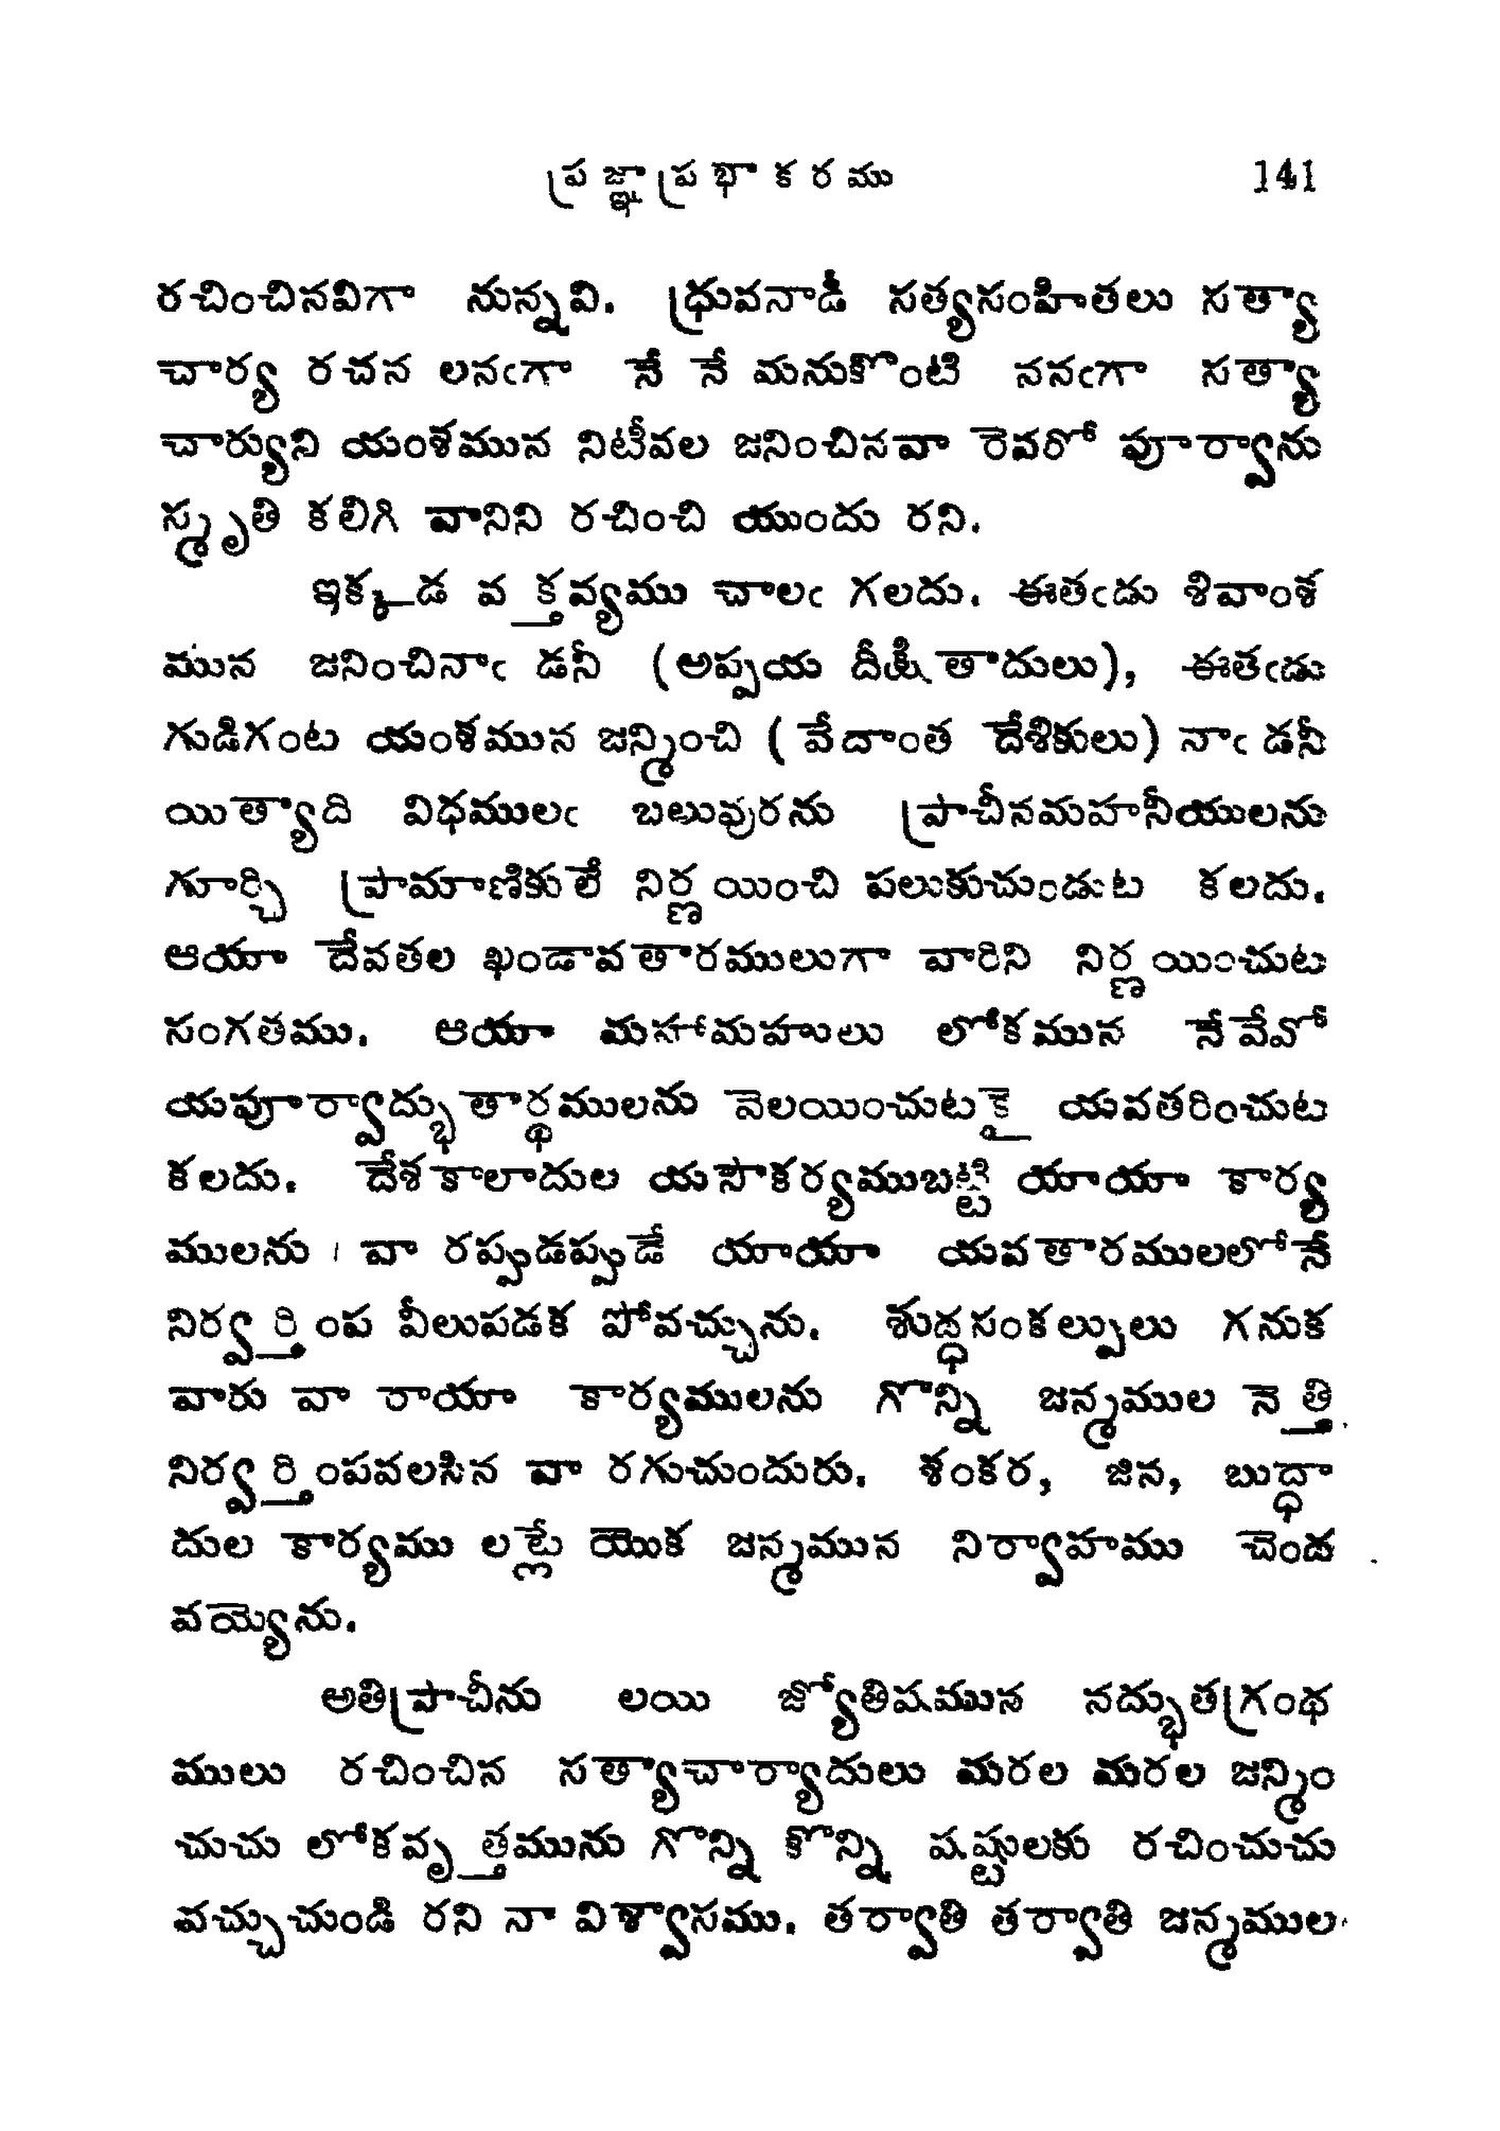రచించినవిగా నున్నవి. ధ్రువనాడీ సత్యసంహితలు సత్యాచార్యు రచన లనఁ గా నేనే మనుకొంటి ననఁగా సత్యాచార్యుని యంశమున నిటీవల జనించినవా రెవరో పూర్వానుస్మృతి కలిగి వానిని రచించి యుందు రని.

 ఇక్కడ వక్తవ్యము చాలఁ గలదు. ఈతఁడు శివాంశమున జనించినాఁ డనీ (అప్పయ దీక్షితాదులు), ఈతఁడు గుడిగంట యంశమున జన్మించి (వేదాంత దేశికులు ) నాఁడనీ యిత్యాది విధములఁ బలువురను ప్రాచీన మహనీయులను గూర్చి ప్రామాణికులే నిర్ణయించి పలుకు చుండుట కలదు. ఆయా దేవతల ఖండావతారములుగా వారిని నిర్ణయించుట సంగతము. ఆయా మహామహులు లోకమున నేవేవో యపూర్వాద్భు తార్ధములను వెలయించుటకై యవతరించుట కలదు. దేశ కాలాదుల యసౌకర్యముబట్టి యాయా కార్యములను వా రప్పుడప్పుడే యాయా యవతారములలోనే నిర్వర్తింప వీలుకడక పోవచ్చును. శుద్ధసంకల్పులు గనుక వారు వా రాయా కార్యములను గొన్ని జన్మముల నెత్తి నిర్విర్తింప వలసిన వారగుచుందురు. శంకర, జిన, బుద్దాదుల కార్యములట్లే యొక జన్మమున నిర్వాహము చెంద వయ్యెను.

 అతి ప్రాచీనులయి జ్యోతిషమున నద్భుత గ్రంధములు రచించిన సత్యాచార్యాదులు మరల మరల జన్మించుచు లోక వృత్తమును గొన్ని కొన్ని షష్టులకు రచించుచు వచ్చుచుండి రని నా విశ్వాసము. తర్వాతి తర్వాతి జన్మముల